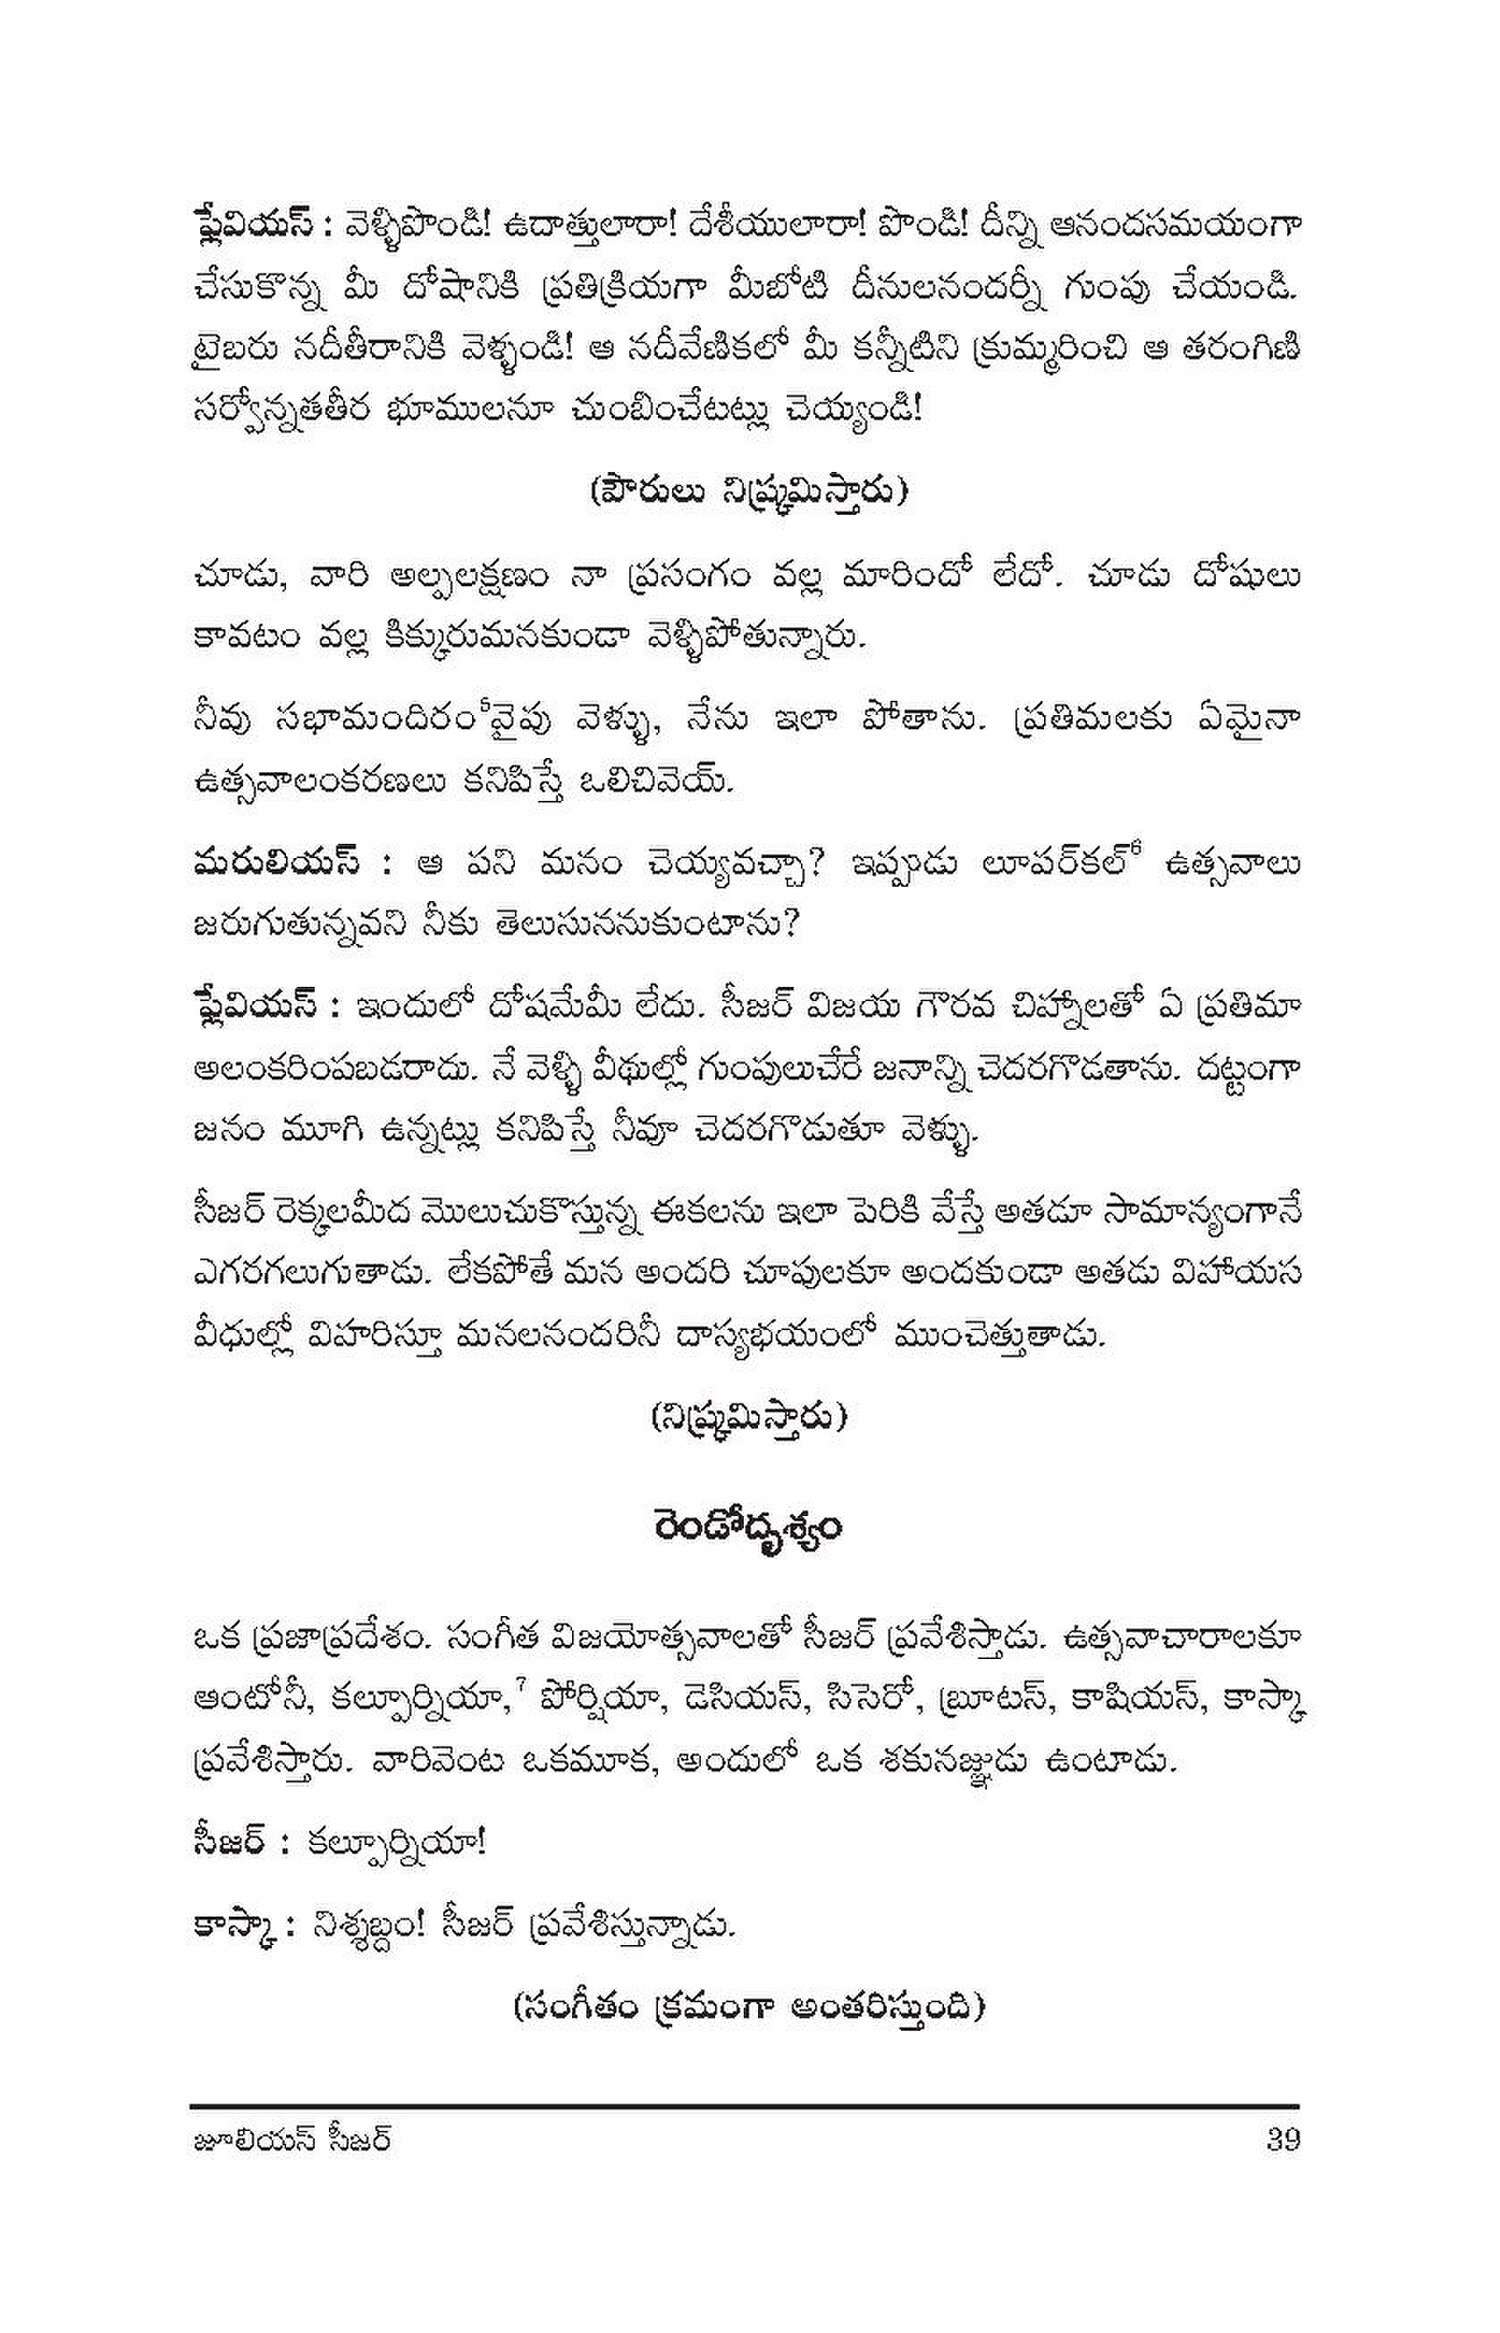ప్లేవియస్ : వెళ్ళిపొండి! ఉదాత్తులారా! దేశీయులారా! పొండి! దీన్ని ఆనందసమయంగా చేసుకొన్న మీ దోషానికి ప్రతిక్రియగా మీబోటి దీనులనందర్నీ గుంపు చేయండి. టైబరు నదీతీరానికి వెళ్ళండి! ఆ నదీవేణికలో మీ కన్నీటిని క్రుమ్మరించి ఆ తరంగిణి సర్వోన్నతతీర భూములనూ చుంబించేటట్లు చెయ్యండి!

చూడు, వారి అల్పలక్షణం నా ప్రసంగం వల్ల మారిందో లేదో. చూడు దోషులు కావటం వల్ల కిక్కురుమనకుండా వెళ్ళిపోతున్నారు.

నీవు సభామందిరం వైపు వెళ్ళు, నేను ఇలా పోతాను. ప్రతిమలకు ఏమైనా ఉత్సవాలంకరణలు కనిపిస్తే ఒలిచివెయ్.

మరులియస్ : ఆ పని మనం చెయ్యవచ్చా? ఇప్పుడు లూపర్ ్కల్ ఉత్సవాలు జరుగుతున్నవని నీకు తెలుసు ననుకుంటాను?

ప్లేవియస్ : ఇందులో దోషమేమీ లేదు. సీజర్ విజయ గౌరవ చిహ్నాలతో ఏ ప్రతిమా అలంకరింపబడరాదు. నే వెళ్ళి వీథుల్లో గుంపులుచేరే జనాన్ని చెదరగొడతాను. దట్టంగా జనం మూగి ఉన్నట్లు కనిపిస్తే నీవూ చెదరగొడుతూ వెళ్ళు.

సీజర్ రెక్కలమీద మొలుచుకొస్తున్న ఈకలను ఇలా పెరికి వేస్తే అతడూ సామాన్యంగానే ఎగరగలుగుతాడు. లేకపోతే మన అందరి చూపులకూ అందకుండా అతడు విహాయస వీధుల్లో విహరిస్తూ మనలనందరినీ దాస్యభయంలో ముంచెత్తుతాడు.

ఒక ప్రజాప్రదేశం. సంగీత విజయోత్సవాలతో సీజర్ ప్రవేశిస్తాడు. ఉత్సవాచారాలకూ ఆంటోనీ, కల్పూర్నియా,' పోర్షియా, డెసియస్, సిసెరో, బ్రూటస్, కాషియస్, కాస్కా ప్రవేశిస్తారు. వారివెంట ఒకమూక, అందులో ఒక శకునజ్ఞుడు ఉంటాడు.

సీజర్ : కల్పూర్నియా!

కాస్కా : నిశ్శబ్దం! సీజర్ ప్రవేశిస్తున్నాడు.